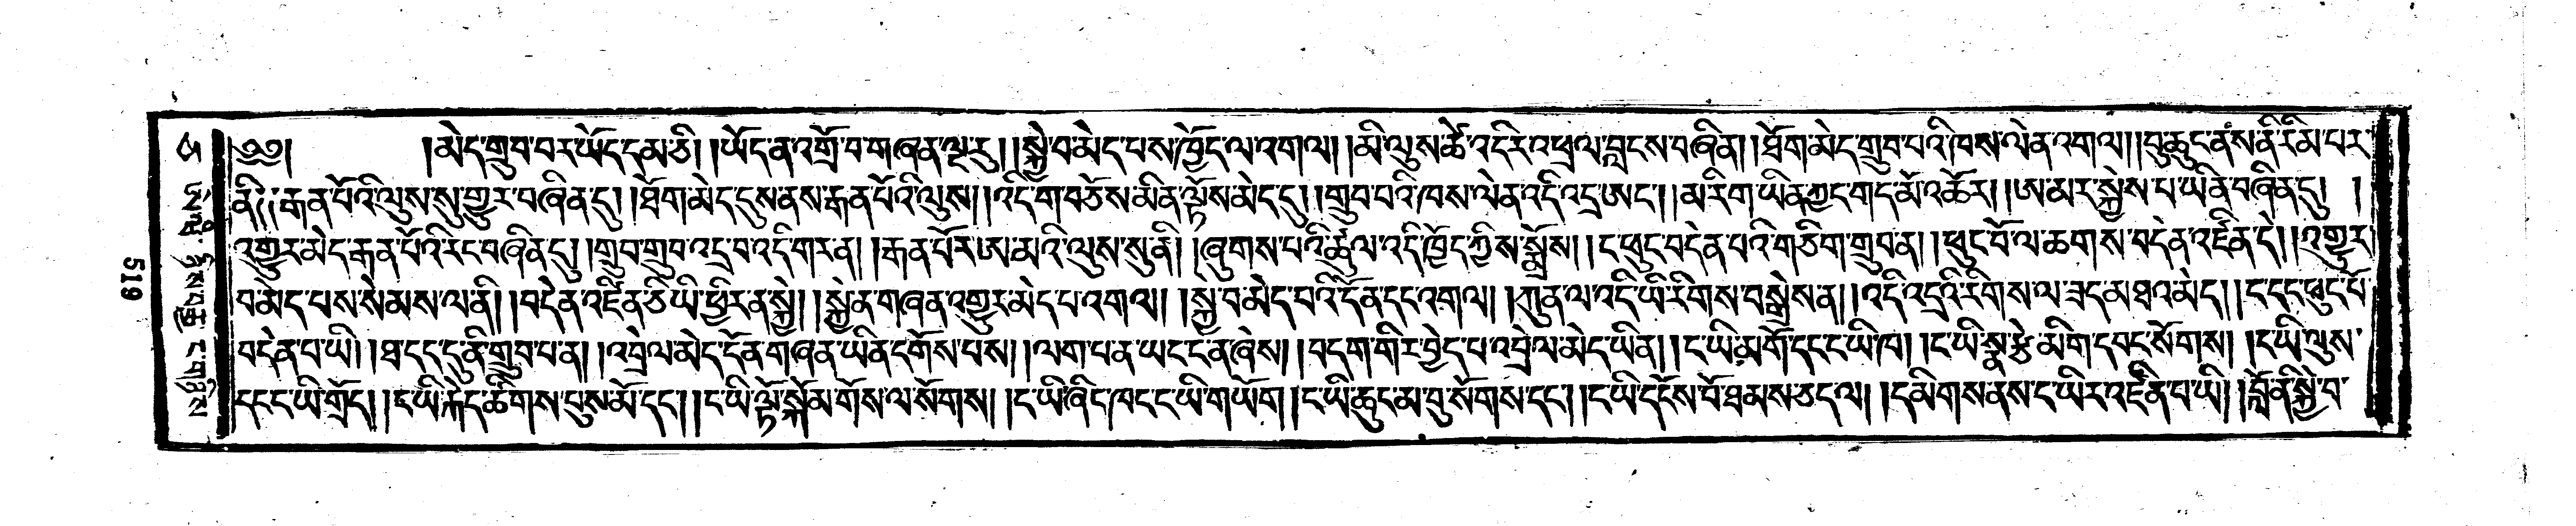༄༅། །མེད་གྲུབ་པར་ཡོད་དམ་ཅི། །ཡོད་ན་འགྲོ་བ་གཞན་ལྔ་རུ། །སྐྱེ་བ་མེད་པས་ཁྱོད་ལ་འགལ། །མི་ལུས་ཚེ་འདིར་འཕྲལ་བླངས་བཞིན། །ཐོག་མེད་གྲུབ་པའི་ཁས་ལེན་འགལ། །བུ་ཆུང་ནས་ནི་རིམ་པར་
ནི༑ ༑རྒན་པོའི་ལུས་སུ་གྱུར་བཞིན་དུ། །ཐོག་མེད་དུས་ནས་རྒན་པོའི་ལུས། །འདི་ག་བཅོས་མིན་ལྟོས་མེད་དུ། །གྲུབ་པའི་ཁས་ལེན་འདི་འདྲ་ཨང་། །མ་རིག་ཡིན་ཀྱང་གད་མོ་འཆོར། །ཨ་མར་སྐྱེས་པ་ཡིན་བཞིན་དུ། །
འགྱུར་མེད་རྒན་པོའི་རང་བཞིན་དུ། །གྲུབ་གྲུབ་འདྲ་བ་འདི་གར་ན། །རྒན་པོར་ཨ་མའི་ལུས་སུ་ནི། །ཞུགས་པའི་ཚུལ་འདི་ཁྱོད་ཀྱིས་སྨྲོས། །ད་ཕུང་བདེན་པའི་གཅིག་གྲུབ་ན། །ཕུང་པོ་ལ་ཆགས་བདེན་འཛིན་དེ། །འགྱུར་
བ་མེད་པས་སེམས་ལ་ནི། །བདེན་འཛིན་ཅི་ཡི་ཕྱིར་ན་སྐྱེ། །སྐྱེ་ན་གཞན་འགྱུར་མེད་པ་འགལ། །སྐྱེ་བ་མེད་པའི་དོན་དང་འགལ། །ཀུན་ལ་འདི་ཡི་རིགས་བསྒྲེས་ན། །འདི་འདྲའི་རིགས་ལ་ཟད་མཐའ་མེད། །ང་དང་ཕུང་པོ་
བདེན་པ་ཡི། །ཐ་དད་དུ་ནི་གྲུབ་པ་ན། །འབྲེལ་མེད་དོན་གཞན་ཡིན་དགོས་པས། །ལག་པ་ན་ཡང་ང་ན་ཞེས། །བདག་གིར་བྱེད་པ་འབྲེལ་མེད་ཡིན། །ང་ཡི་མགོ་དང་ཡི་ཁ། །ང་ཡི་སྣ་རྩེ་མིག་དབང་སོགས། །ང་ཡི་ལུས་
དང་ང་ཡི་གྲོད། །ང་ཡི་རྐེད་ཚིགས་པུས་མོ་དང་། །ང་ཡི་ལྟོ་སྐོམ་གོས་ལ་སོགས། །ང་ཡི་ཞིང་ཁང་ང་ཡི་གཡོག །ང་ཡི་ཆུང་མ་བུ་སོགས་དང་། །ང་ཡི་དངོས་པོ་ཐམས་ཅད་ལ། །དམིགས་ནས་ང་ཡིར་འཛིན་པ་ཡི། །བློ་ནི་སྐྱེ་བ་